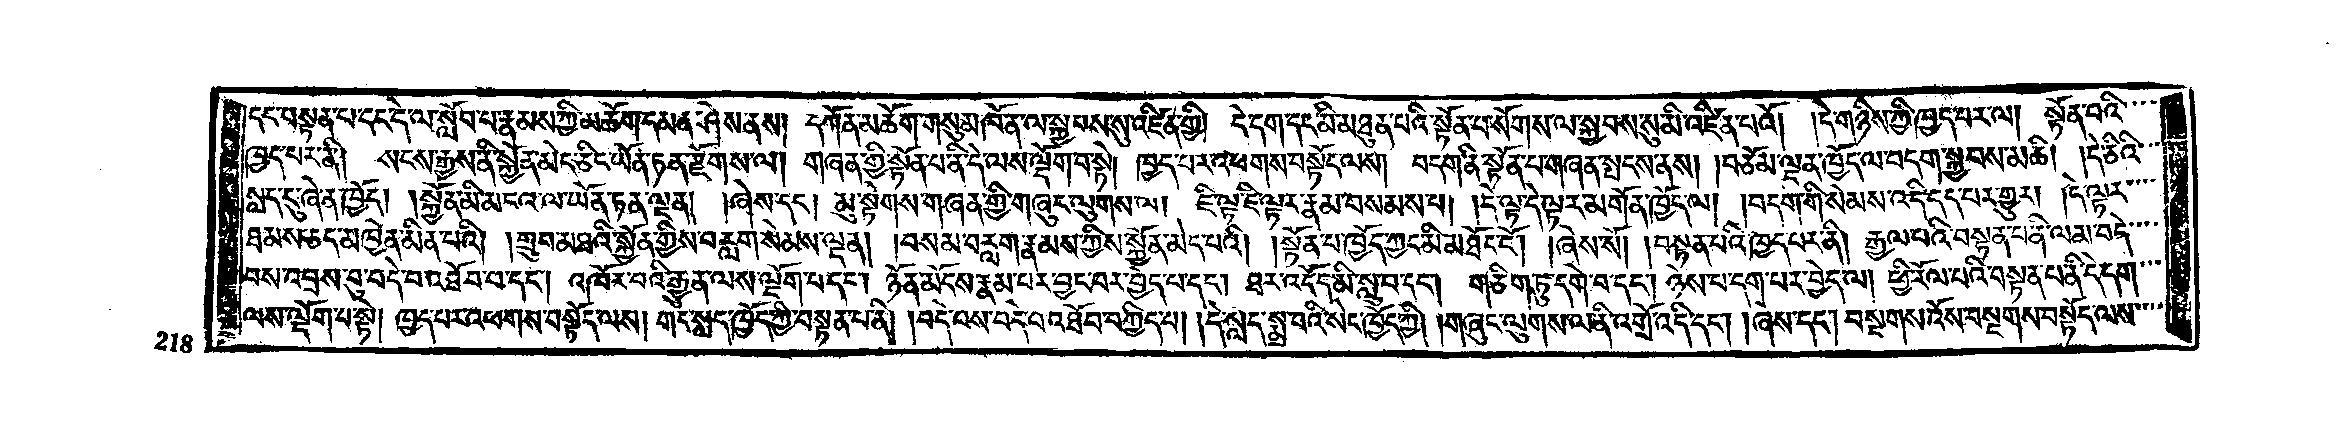དང་བསྟན་པ་དང་དེ་ལ་སློབ་པ་རྣམས་ཀྱི་མཆོག་དམན་ཤེས་ནས། དཀོན་མཆོག་གསུམ་ཁོ་ན་ལ་སྐྱབས་སུ་འཛིན་གྱི། དེ་དག་དང་མི་མཐུན་པའི་སྟོན་པ་སོགས་ལ་སྐྱབས་སུ་མི་འཛིན་པའོ། །དེ་གཉིས་ཀྱི་ཁྱད་པར་ལ། སྟོན་པའི་
ཁྱད་པར་ནི། སངས་རྒྱས་ནི་སྐྱོན་མེད་ཅིང་ཡོན་ཏན་རྫོགས་ལ། གཞན་གྱི་སྟོན་པ་ནི་དེ་ལས་ལྡོག་པ་སྟེ། ཁྱད་པར་འཕགས་བསྟོད་ལས། བདག་ནི་སྟོན་པ་གཞན་སྤངས་ནས། །བཅོམ་ལྡན་ཁྱོད་ལ་བདག་སྐྱབས་མཆི། །དེ་ཅིའི་
སླད་དུ་ཞེ་ན་ཁྱོད། །སྐྱོན་མི་མངའ་ལ་ཡོན་ཏན་ལྡན། །ཞེས་དང་། མུ་སྟེགས་གཞན་གྱི་གཞུང་ལུགས་ལ། །ཇི་ལྟ་ཇི་ལྟར་རྣམ་བསམས་པ། །དེ་ལྟ་དེ་ལྟར་མགོན་ཁྱོད་ལ། །བདག་གི་སེམས་འདི་དད་པར་གྱུར། །དེ་ལྟར་
ཐམས་ཅད་མཁྱེན་མིན་པའི། །གྲུབ་མཐའི་སྐྱོན་གྱིས་བརླག་སེམས་ལྡན། །བསམ་བརླག་རྣམས་ཀྱིས་སྐྱོན་མེད་པའི། །སྟོན་པ་ཁྱོད་ཀྱང་མི་མཐོང་ངོ། །ཞེས་སོ། །བསྟན་པའི་ཁྱད་པར་ནི། རྒྱལ་བའི་བསྟན་པ་ནི་ལམ་བདེ་
བས་འབྲས་བུ་བདེ་བ་འཐོབ་པ་དང་། འཁོར་བའི་རྒྱུན་ལས་ལྡོག་པ་དང་། ཉོན་མོངས་རྣམ་པར་བྱང་བར་བྱེད་པ་དང་། ཐར་འདོད་མི་སླུ་བ་དང་། གཅིག་ཏུ་དགེ་བ་དང་། ཉེས་བ་དག་པར་བྱེད་ལ། ཕྱི་རོལ་པའི་བསྟན་པ་ནི་དེ་དག་
ལས་ལྡོག་པ་སྟེ། ཁྱད་པར་འཕགས་བསྟོད་ལས། གང་སླད་ཁྱོད་ཀྱི་བསྟན་པ་ནི། །བདེ་བས་བདེ་བ་འཐོབ་བགྱིད་པ། །དེ་སླད་སྨྲ་བའི་སེང་ཁྱོད་ཀྱི། །གཞུང་ལུགས་ལ་ནི་འགྲོ་འདི་དང་། །ཞེས་དང་། བསྔགས་འོས་བསྔགས་བསྟོད་ལས་